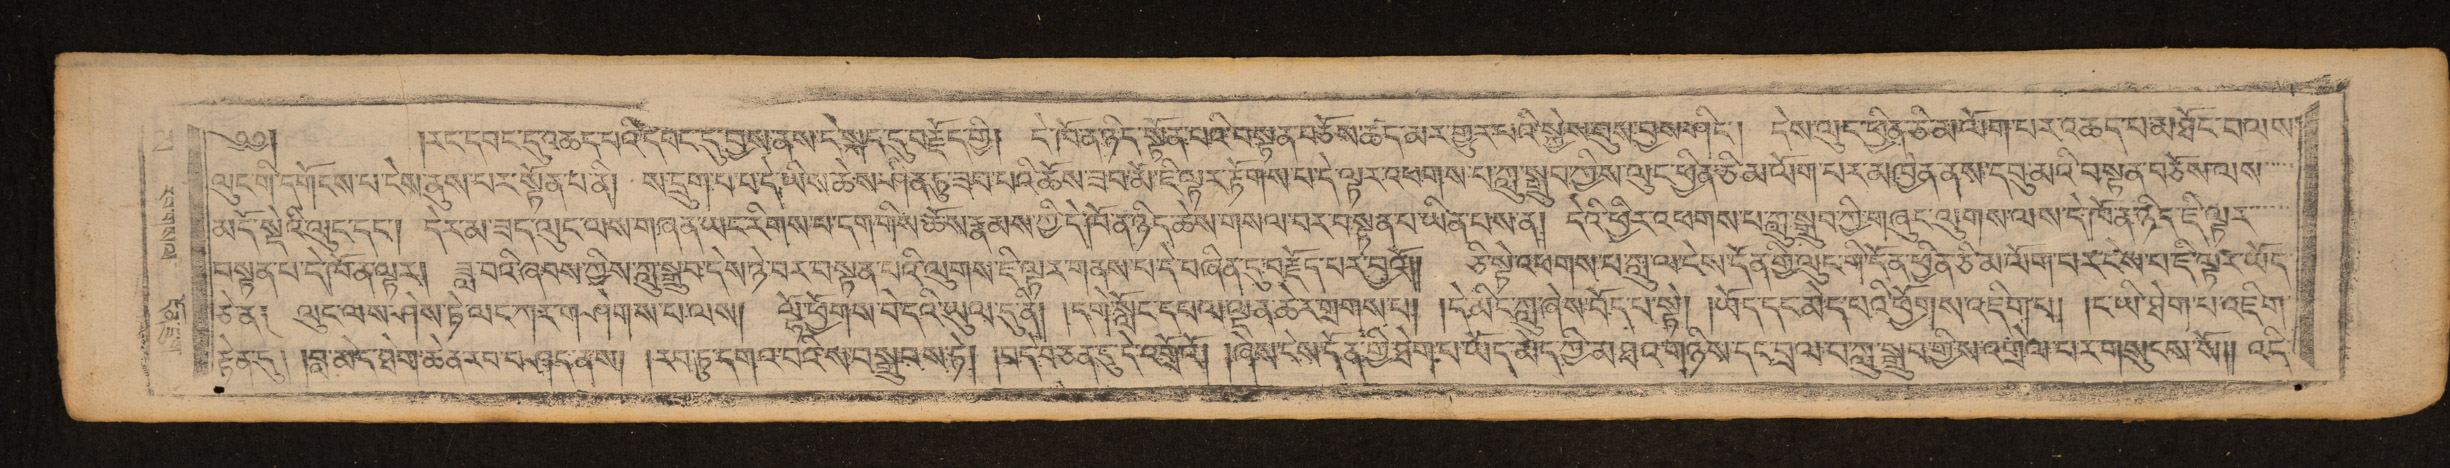༄༅། །རང་དབང་དུ་འཆད་པའི་དབང་དུ་བྱས་ནས་དེ་སྐད་དུ་བརྗོད་ཀྱི། དེ་ཁོ་ན་ཉིད་སྟོན་པའི་བསྟན་བཅོས་ཚད་མར་གྱུར་པའི་སྐྱེས་བུས་བྱས་ཤིང་། དེས་ལུང་ཕྱིན་ཅི་མ་ལོག་པར་འཆད་པ་མཐོང་བ་ལས་
ལུང་གི་དགོངས་པ་ངེས་ནུས་པར་སྟོན་པ་ནི། ས་དྲུག་པ་བ་དེ་ཡིས་ཆེས་ཤིན་ཏུ་ཟབ་པའི་ཆོས་ཟབ་མོ་ཇི་ལྟར་རྟོགས་པ་དེ་ལྟར་འཕགས་པ་ཀླུ་སྒྲུབ་ཀྱིས་ལུང་ཕྱིན་ཅི་མ་ལོག་པར་མཁྱེན་ནས་དབུ་མའི་བསྟན་བཅོས་ལས་
མདོ་སྡེའི་ལུང་དང་། དེར་མ་ཟད་ལུང་ལས་གཞན་ཡང་རིགས་པ་དག་གིས་ཆོས་རྣམས་ཀྱི་དེ་ཁོ་ན་ཉིད་ཆོས་གསལ་བར་བསྟན་པ་ཡིན་པས་ན། དེའི་ཕྱིར་འཕགས་པ་ཀླུ་སྒྲུབ་ཀྱི་གཞུང་ལུགས་ལས་དེ་ཁོ་ན་ཉིད་ཇི་ལྟར་
བསྟན་པ་དེ་ཁོ་ན་ལྟར། ཟླ་བའི་ཞབས་ཀྱིས་ཀླུ་སྒྲུབ་དེས་ཉེ་བར་བསྟན་པའི་ལུགས་ཇི་ལྟར་གནས་པ་དེ་བཞིན་དུ་བརྗོད་པར་བྱའོ།། ཅི་སྟེ་འཕགས་པ་ཀླུ་ལ་ངེས་དོན་གྱི་ལུང་གི་དོན་ཕྱིན་ཅི་མ་ལོག་པར་ངེས་པ་ཇི་ལྟར་ཡོད་
ཅེ་ན། ལུང་ལས་ཤེས་ཏེ་ལང་ཀར་གཤེགས་པ་ལས། ལྷོ་ཕྱོགས་བེ་དའི་ཡུལ་དུ་ནི། །དགེ་སློང་དཔལ་ལྡན་ཆེར་གྲགས་པ། །དེ་མིང་ཀླུ་ཞེས་བོད་པ་སྟེ། ཡོད་དང་མེད་པའི་ཕྱོགས་འཇིག་པ། །ང་ཡི་ཐེག་པ་འཇིག་
རྟེན་དུ། །བླ་མེད་ཐེག་ཆེན་རབ་བཤད་ནས། །རབ་ཏུ་དགའ་བའི་ས་བསྒྲུབས་ཏེ། །བདེ་བ་ཅན་དུ་དེ་འགྲོའོ། །ཞེས་ངེས་དོན་གྱི་ཐེག་པ་ཡོད་མེད་ཀྱི་མཐའ་གཉིས་དང་བྲལ་བ་ཀླུ་སྒྲུབ་ཀྱིས་འགྲེལ་པར་གསུངས་སོ།། འདི་